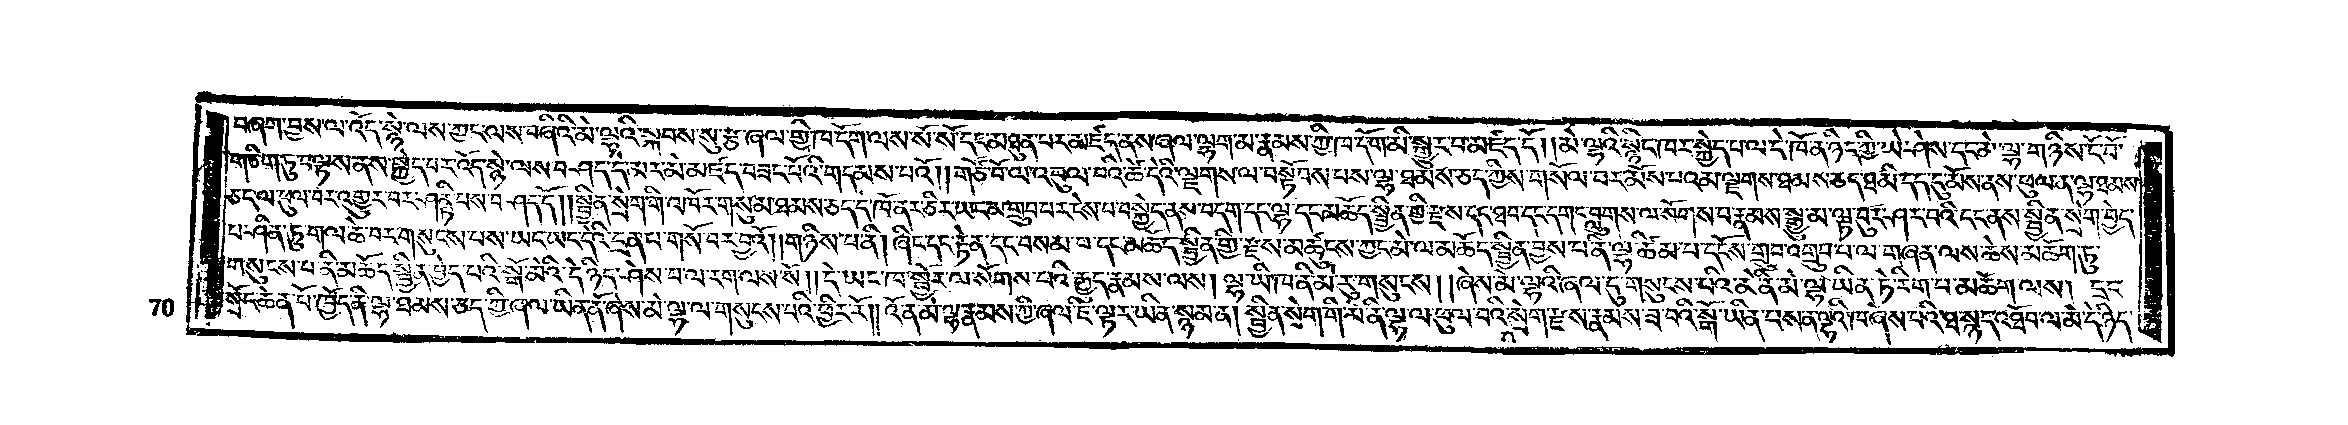བཞག་བྱས་ལ་འོད་སྙེ་ལས་ཀྱང་ལས་བཞིའི་མེ་ལྷའི་སྐབས་སུ་རྩ་ཞལ་གྱི་ཁ་དོག་ལས་སོ་སོ་དང་མཐུན་པར་མཛད་ནས་ཞལ་ལྷག་མ་རྣམས་ཀྱི་ཁ་དོག་མི་སྒྱུར་བ་མཛད་དོ། །མེ་ལྷའི་སྙིང་ཁར་སྐྱེད་པ་ལ་དེ་ཁོ་ན་ཉིད་ཀྱི་ཡེ་ཤེས་དང་མེ་ལྷ་གཉིས་ངོ་བོ་
གཅིག་ཏུ་བལྟས་ནས་སྐྱེད་པར་འོད་སྙེ་ལས་བཤད་དེ་མར་མེ་མཛད་བཟང་པོའི་གདམས་པའོ། །གཙོ་བོ་ལ་འབུལ་པའི་ཚེ་དེའི་ལྗགས་ལ་བསྟོབས་པས་ལྷ་ཐམས་ཅད་ཀྱིས་གསོལ་བར་མོས་པའམ་ལྗགས་ཐམས་ཅད་ཐ་མི་དད་དུ་མོས་ནས་ཕུལ་ན་ལྷ་ཐམས་
ཅད་ལ་ཕུལ་བར་འགྱུར་བར་ཤནྟི་པས་བཤད་དོ། །སྦྱིན་སྲེག་གི་འཁོར་གསུམ་ཐམས་ཅད་དེ་ཁོ་ནར་ཅིར་ཡང་མ་གྲུབ་པར་ངེས་པ་བསྐྱེད་ནས་བདག་དང་ལྷ་དང་མཆོད་སྦྱིན་གྱི་རྫས་དང་ཐབ་དང་དགང་བླུགས་ལ་སོགས་པ་རྣམས་སྒྱུ་མ་ལྟ་བུར་ཤར་བའི་ངང་ནས་སྦྱིན་སྲེག་བྱེད་
པ་ཤིན་ཏུ་གལ་ཆེ་བར་གསུངས་པས་ཡང་ཡང་དེའི་དྲན་པ་གསོ་བར་བྱའོ། །གཉིས་པ་ནི། ཞིང་དང་རྟེན་དང་བསམ་པ་དང་མཆོད་སྦྱིན་གྱི་རྫས་མཚུངས་ཀྱང་མེ་ལ་མཆོད་སྦྱིན་བྱས་པ་ནི་ལྷ་ཚིམ་པ་དངོས་གྲུབ་འགྲུབ་པ་ལ་གཞན་ལས་ཆེས་མཆོག་ཏུ་
གསུངས་པ་ནི་མཆོད་སྦྱིན་བྱེད་པའི་སྒོ་མེའི་དེ་ཉིད་ཤེས་པ་ལ་རག་ལས་སོ། །དེ་ཡང་ཁ་སྦྱོར་ལ་སོགས་པའི་རྒྱུད་རྣམས་ལས། ལྷ་ཡི་ཁ་ནི་མེ་རུ་གསུངས། །ཞེས་མེ་ལྷའི་ཞལ་དུ་གསུངས་པའི་མེ་ནི་མེ་ལྷ་ཡིན་ཏེ་རིག་པ་མཆོག་ལས། དྲང་
སྲོང་ཆེན་པོ་ཁྱོད་ནི་ལྷ་ཐམས་ཅད་ཀྱི་ཞལ་ཡིན་ནོ་ཞེས་མེ་ལྷ་ལ་གསུངས་པའི་ཕྱིར་རོ། །འོ་ན་མེ་ལྷ་རྣམས་ཀྱི་ཞལ་ཇི་ལྟར་ཡིན་སྙམ་ན། སྦྱིན་སྲེག་གི་མེ་ནི་ལྷ་ལ་ཕུལ་བའི་བསྲེག་རྫས་རྣམས་ཟ་བའི་སྒོ་ཡིན་པས་ན་ལྷའི་ཁ་ཞེས་པའི་ཐ་སྙད་འཐོབ་ལ་མེ་དེ་ཉིད་